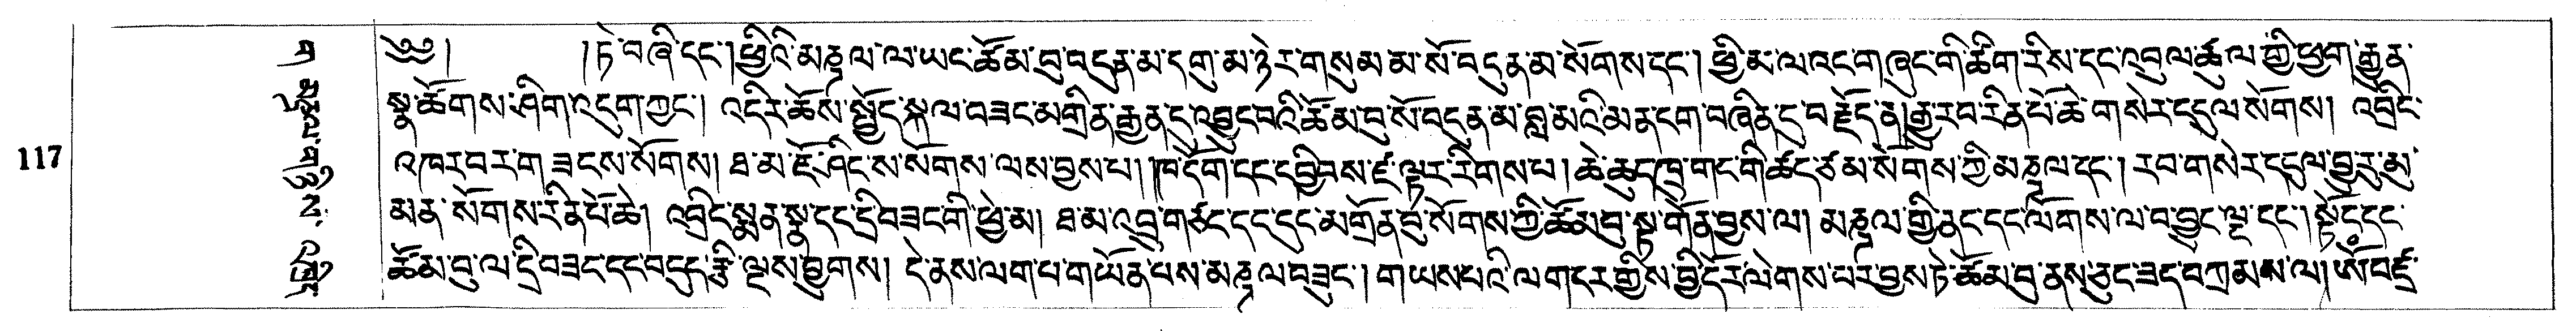༄༅། །ཏེ་བཞི་དང་། ཕྱིའི་མཎྜལ་ལ་ཡང་ཚོམ་བུ་བདུན་མ་དགུ་མ་ཉེར་གསུམ་མ་སོ་བདུན་མ་སོགས་དང་། ཕྱི་མ་ལའང་གཞུང་གི་ཚིག་རིས་དང་འབུལ་ཚུལ་གྱི་ཕྱག་རྒྱུན་
སྣ་ཚོགས་ཤིག་འདུག་ཀྱང་། འདིར་ཆོས་སྤྱོད་སྐལ་བཟང་མགྲིན་རྒན་དུ་འབྱུང་བའི་ཚོམ་བུ་སོ་བདུན་མ་བླ་མའི་མན་ངག་བཞིན་དུ་བརྗོད་ན། རྒྱུ་རབ་རིན་པོ་ཆེ་གསེར་དངུལ་སོགས། འབྲིང་
འཁར་བར་གསངས་སོགས། ཐ་མ་རྡོ་ཤིང་ས་སོགས་ལས་བྱས་པ། །ཁ་དོག་དང་དབྱིབས་ཛ་ལྟར་རིགས་པ། ཆེ་ཆུང་ཁྲུ་གང་གི་ཚད་ཙམ་སོགས་ཀྱི་མཎྜལ་དང་། རབ་གསེར་དངུལ་བྱུར་རུ་མུ་
མན་སོགས་རིན་པོ་ཆེ། འབྲིང་སྨན་སྣ་དང་དྲི་བཟང་གི་ཕྱེ་མ། ཐ་མ་འབྲུ་གཙང་དང་དུང་མགྲོན་བུ་སོགས་ཀྱི་ཚོམ་བུ་སྟ་གོན་བྱས་ལ། མཎྜལ་གྱི་ནང་དང་ལོགས་ལ་བ་བྱུང་ལྔ་དང་། སྟོང་སྟེང་དང་
ཚོམ་བུ་ལ་དྲི་བཟང་དང་བདུད་རྩི་ལྔས་བྱུགས། དེ་ནས་ལག་པ་ག་ཡོན་པས་མཎྜལ་བཟུང་། གཡས་པའི་ལག་ངར་གྱིས་བྱི་དོར་ལེགས་པར་བྱས་ཏེ་ཚོམ་བུ་ནས་ཅུང་ཟད་བཀྲམས་ལ། ཨོཾ་བཛྲ་